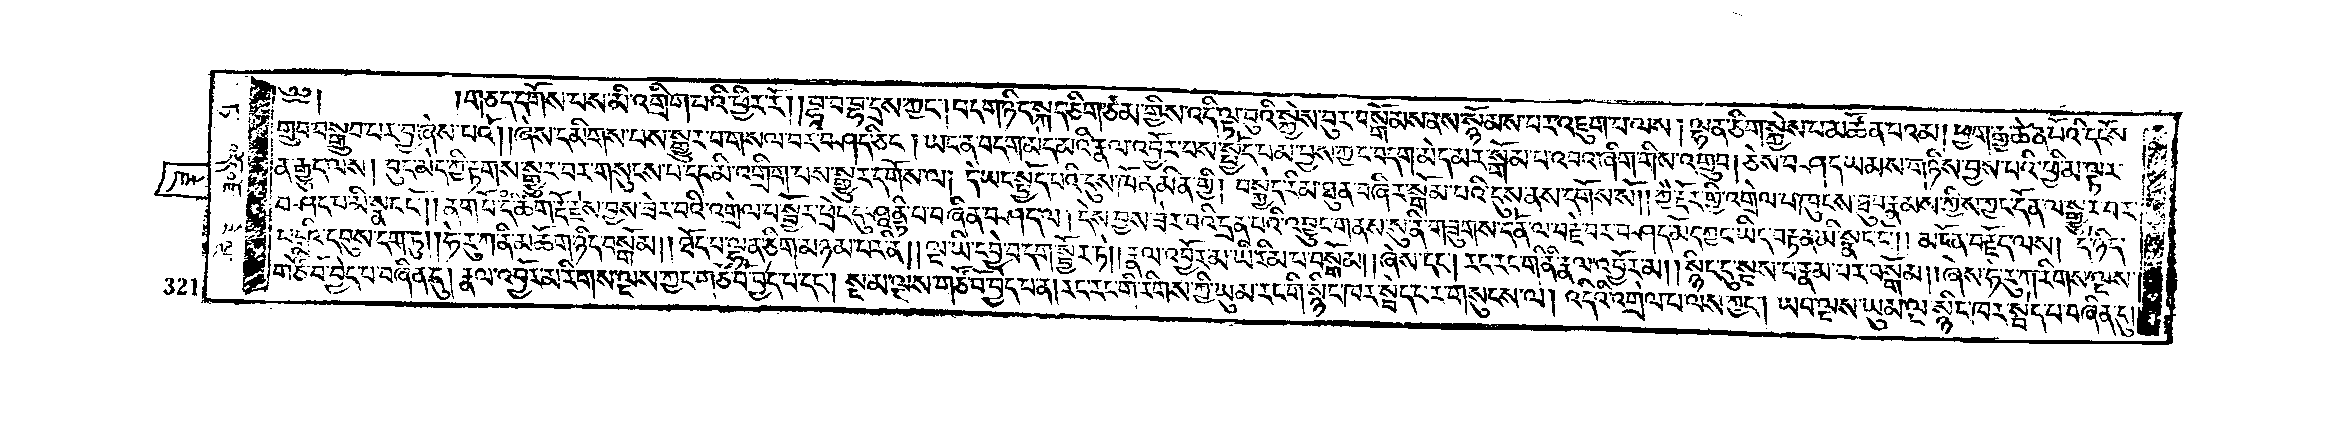༄༅། །གཅོད་དགོས་པས་མི་འགྲིག་པའི་ཕྱིར་རོ། །བྷཱ་བ་བྷ་དྲས་ཀྱང་། བདག་ཉིད་སྐད་ཅིག་ཙམ་གྱིས་འདི་ལྟ་བུའི་སྐྱེས་བུར་བསྒོམས་ནས་སྙོམས་པར་འཇུག་པ་ལས། ལྷན་ཅིག་སྐྱེས་པ་མཚོན་པའམ། ཕྱག་རྒྱ་ཆེན་པོའི་དངོས་
གྲུབ་བསྒྲུབ་པར་བྱ་ཞེས་པའོ། །ཞེས་དམིགས་པས་སྒྱུར་བ་གསལ་བར་བཤད་ཅིང་། ཡང་ན་བདག་མེད་མའི་རྣལ་འབྱོར་པས་སྤྱོད་པ་མ་བྱས་ཀྱང་བདག་མེད་མར་སྒོམ་པ་འབའ་ཞིག་གིས་འགྲུབ། ཅེས་བཤད་ཡམས་གཉིས་བྱས་པའི་ཕྱི་མ་ལྟར་
ན་རྒྱུད་ལས། བུད་མེད་ཀྱི་རྟགས་སྒྱུར་བར་གསུངས་པ་དང་མི་འགྲིག་པས་སྒྱུར་དགོས་ལ། དེ་ཡང་སྤྱོད་པའི་དུས་ཁོ་ན་མིན་གྱི། བསྐྱེད་རིམ་ཐུན་བཞིར་སྒོམ་པའི་དུས་ནས་དགོས་སོ། །ཀྱཻ་རྡོར་གྱི་འགྲེལ་པ་ཁུངས་ཐུབ་རྣམས་ཀྱིས་ཀྱང་དོན་ལ་སྒྱུར་བར་
བཤད་པ་མི་སྣང་ངོ། །ནག་པོ་དམ་ཚིག་རྡོ་རྗེས་བྱས་ཟེར་བའི་འགྲེལ་པ་སྦྱོར་ཕྲེང་དུ་ཤཱནྟི་པ་བཞིན་བཤད་ལ། དེས་བྱས་ཟེར་བའི་དྲན་པའི་འབྱུང་གནས་སུ་ནི་གཟུགས་དོན་ལ་བརྗེ་བར་བཤད་མོད་ཀྱང་ཡིད་བརྟན་མི་སྣང་ངོ། །མངོན་བརྗོད་ལས། དེ་ཉིད་
པདམའི་དབུས་དག་ཏུ། །ཧེ་རུ་ཀ་ནི་མཆོག་ཉིད་བསྒོམ། །ཐོད་པ་ལྷན་ཅིག་མཉམ་པར་ནི། །ལྔ་ཡི་དབྱེ་བ་དག་སྦྱོར་ཏེ། །རྣལ་འབྱོར་མ་ཡི་རིམ་པ་བསྒོམ། །ཞེས་དང་། རང་རང་གི་ནི་རྣལ་འབྱོར་མ། །སྙིང་དུ་སྦས་པ་རྣམ་པར་བསྒོམ། །ཞེས་ཧེ་རུ་ཀ་རིགས་ལྔས་
གཙོ་བོ་བྱེད་པ་བཞིན་དུ། རྣལ་འབྱོར་མ་རིགས་ལྔས་ཀྱང་གཙོ་བོ་བྱེད་པ་དང་། སྔ་མ་ལྔས་གཙོ་བོ་བྱེད་པ་ན། རང་རང་གི་རིགས་ཀྱི་ཡུམ་རང་གི་སྙིང་ཁར་སྦེད་པར་གསུངས་ལ། འདིའི་འགྲེལ་པ་ལས་ཀྱང་། ཡབ་ལྔས་ཡུམ་ལྔ་སྙིང་ཁར་སྦེད་པ་བཞིན་དུ།